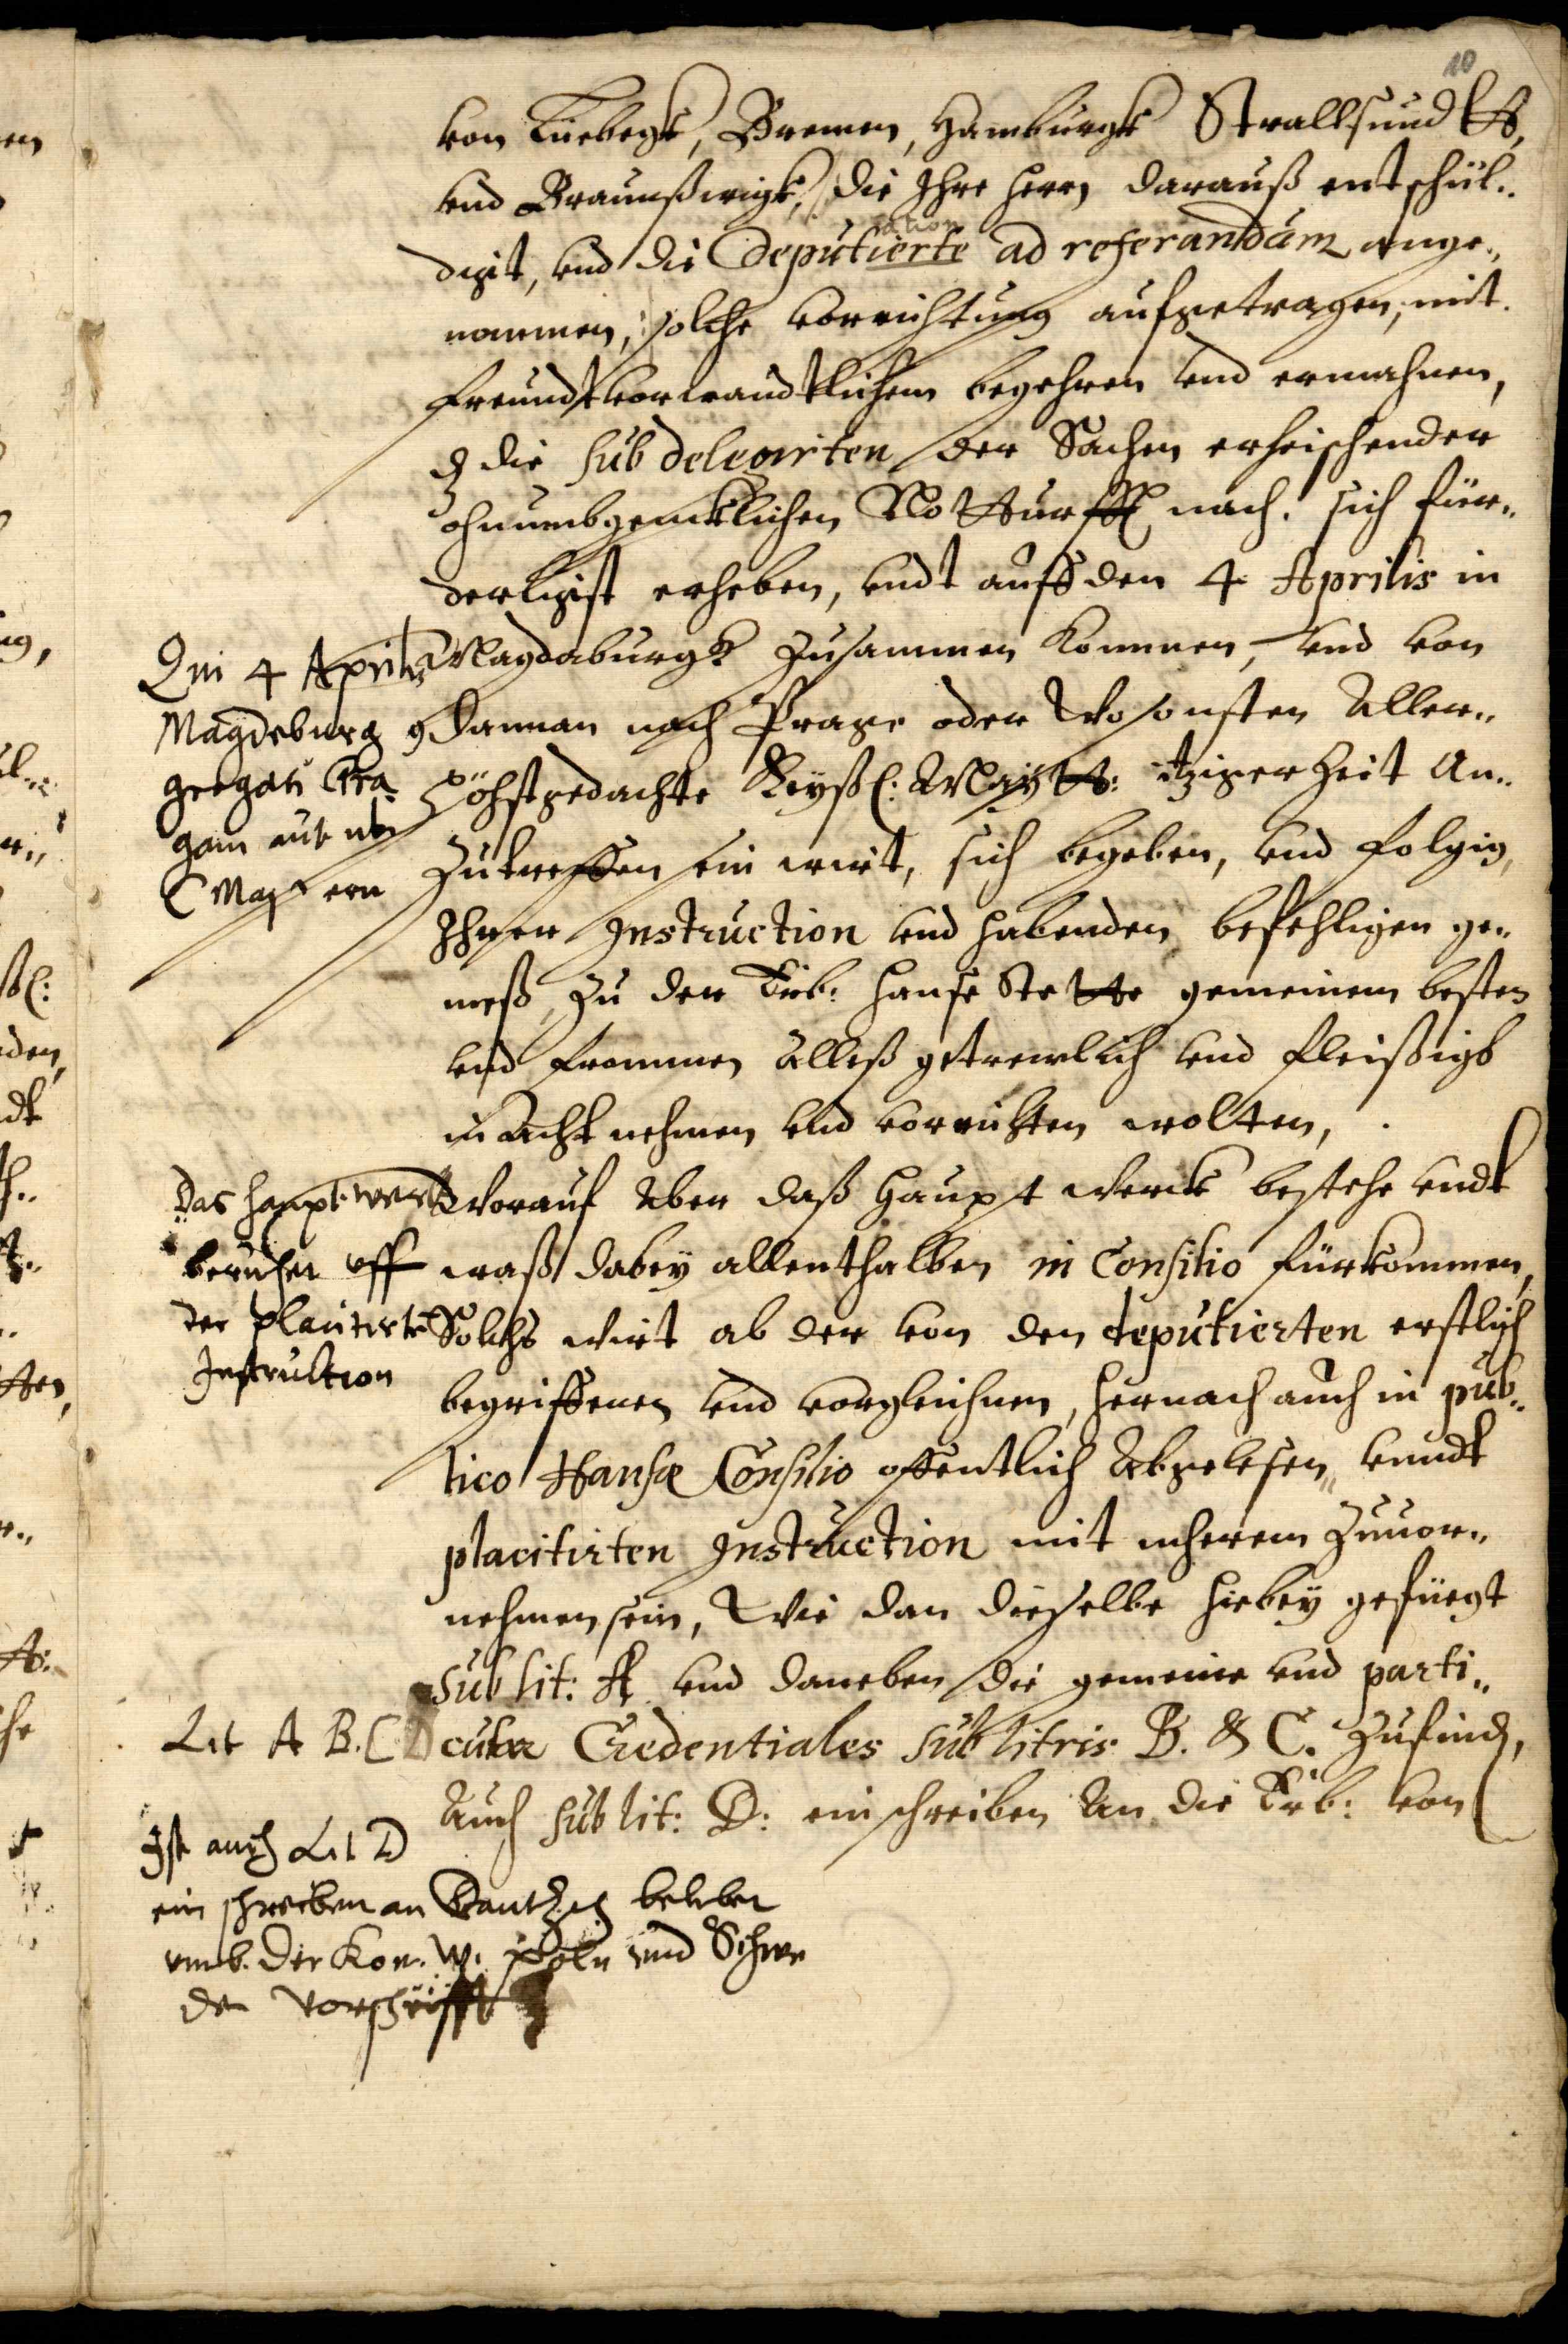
10
2ni 4 Aprili
Magdeburg
gegan Pra
gam aus ubi
C Maj ren
Das hauptwerk
beruht vff
er placitirte
Instrucktion
Lit A B. C D
Ist auch Lit D
ein schreiben an Dantzug beliber
vmb die kon. M. poln vnd Schwe¬
den vorschrifft
von Lüebegk, Bremen, Hamburgk Strallsundtt,
vnd Braunßwigk, die Ihre herrn darauß entschül¬
digt, vnd die deputierte ad referandum ange¬
nommen, solche vorrichtung aufgetragen, mit.
freundtvorwandtlichem begehren vnd ermahnen,
den die Sub delegirten der Sachen erheischender
ohnumbgencklichen Notturfft nach. sich für¬
derligst erheben, vndt auff den 4 Aprilis in
Magdaburgk zusammen kommen, vnd von
dannan nach Prage oder Wosonsten aller¬
höhstgedachte Keijßl: Maijtt: itziger Zeit An¬
zutreffen sein wirt, sich begeben, vnd folgig,
ihrer Instruction vnd habenden befehligen ge¬
meß zu der Erb: hanse Stette gemeinem besten
vnd frommen alleß getrewlich vnd fleißigh
in acht nehmen vnd vorrichten wolten,
Worauf aber daß Haupt werck bestehe vndt
waß dabeij allenthalben in Consilio fürkommen,
Solchs wirt ab der von den deputierten erstlich
begriffenen vnd vorgleichnen, hernach auch in pub¬
lico Hanse Consilio offentlich abgelesen vnndt
placitirten Instruction mit mherem Zuvor¬
nehmen sein, Wie dan dieselbe hiebeij gefüegt
Sub lit: A vnd daneben die gemeine vnd parti¬
cular Credentiales Sub litris B. & C. zufinden,
auch Sub lit: D: ein schreiben an die Erb: von
